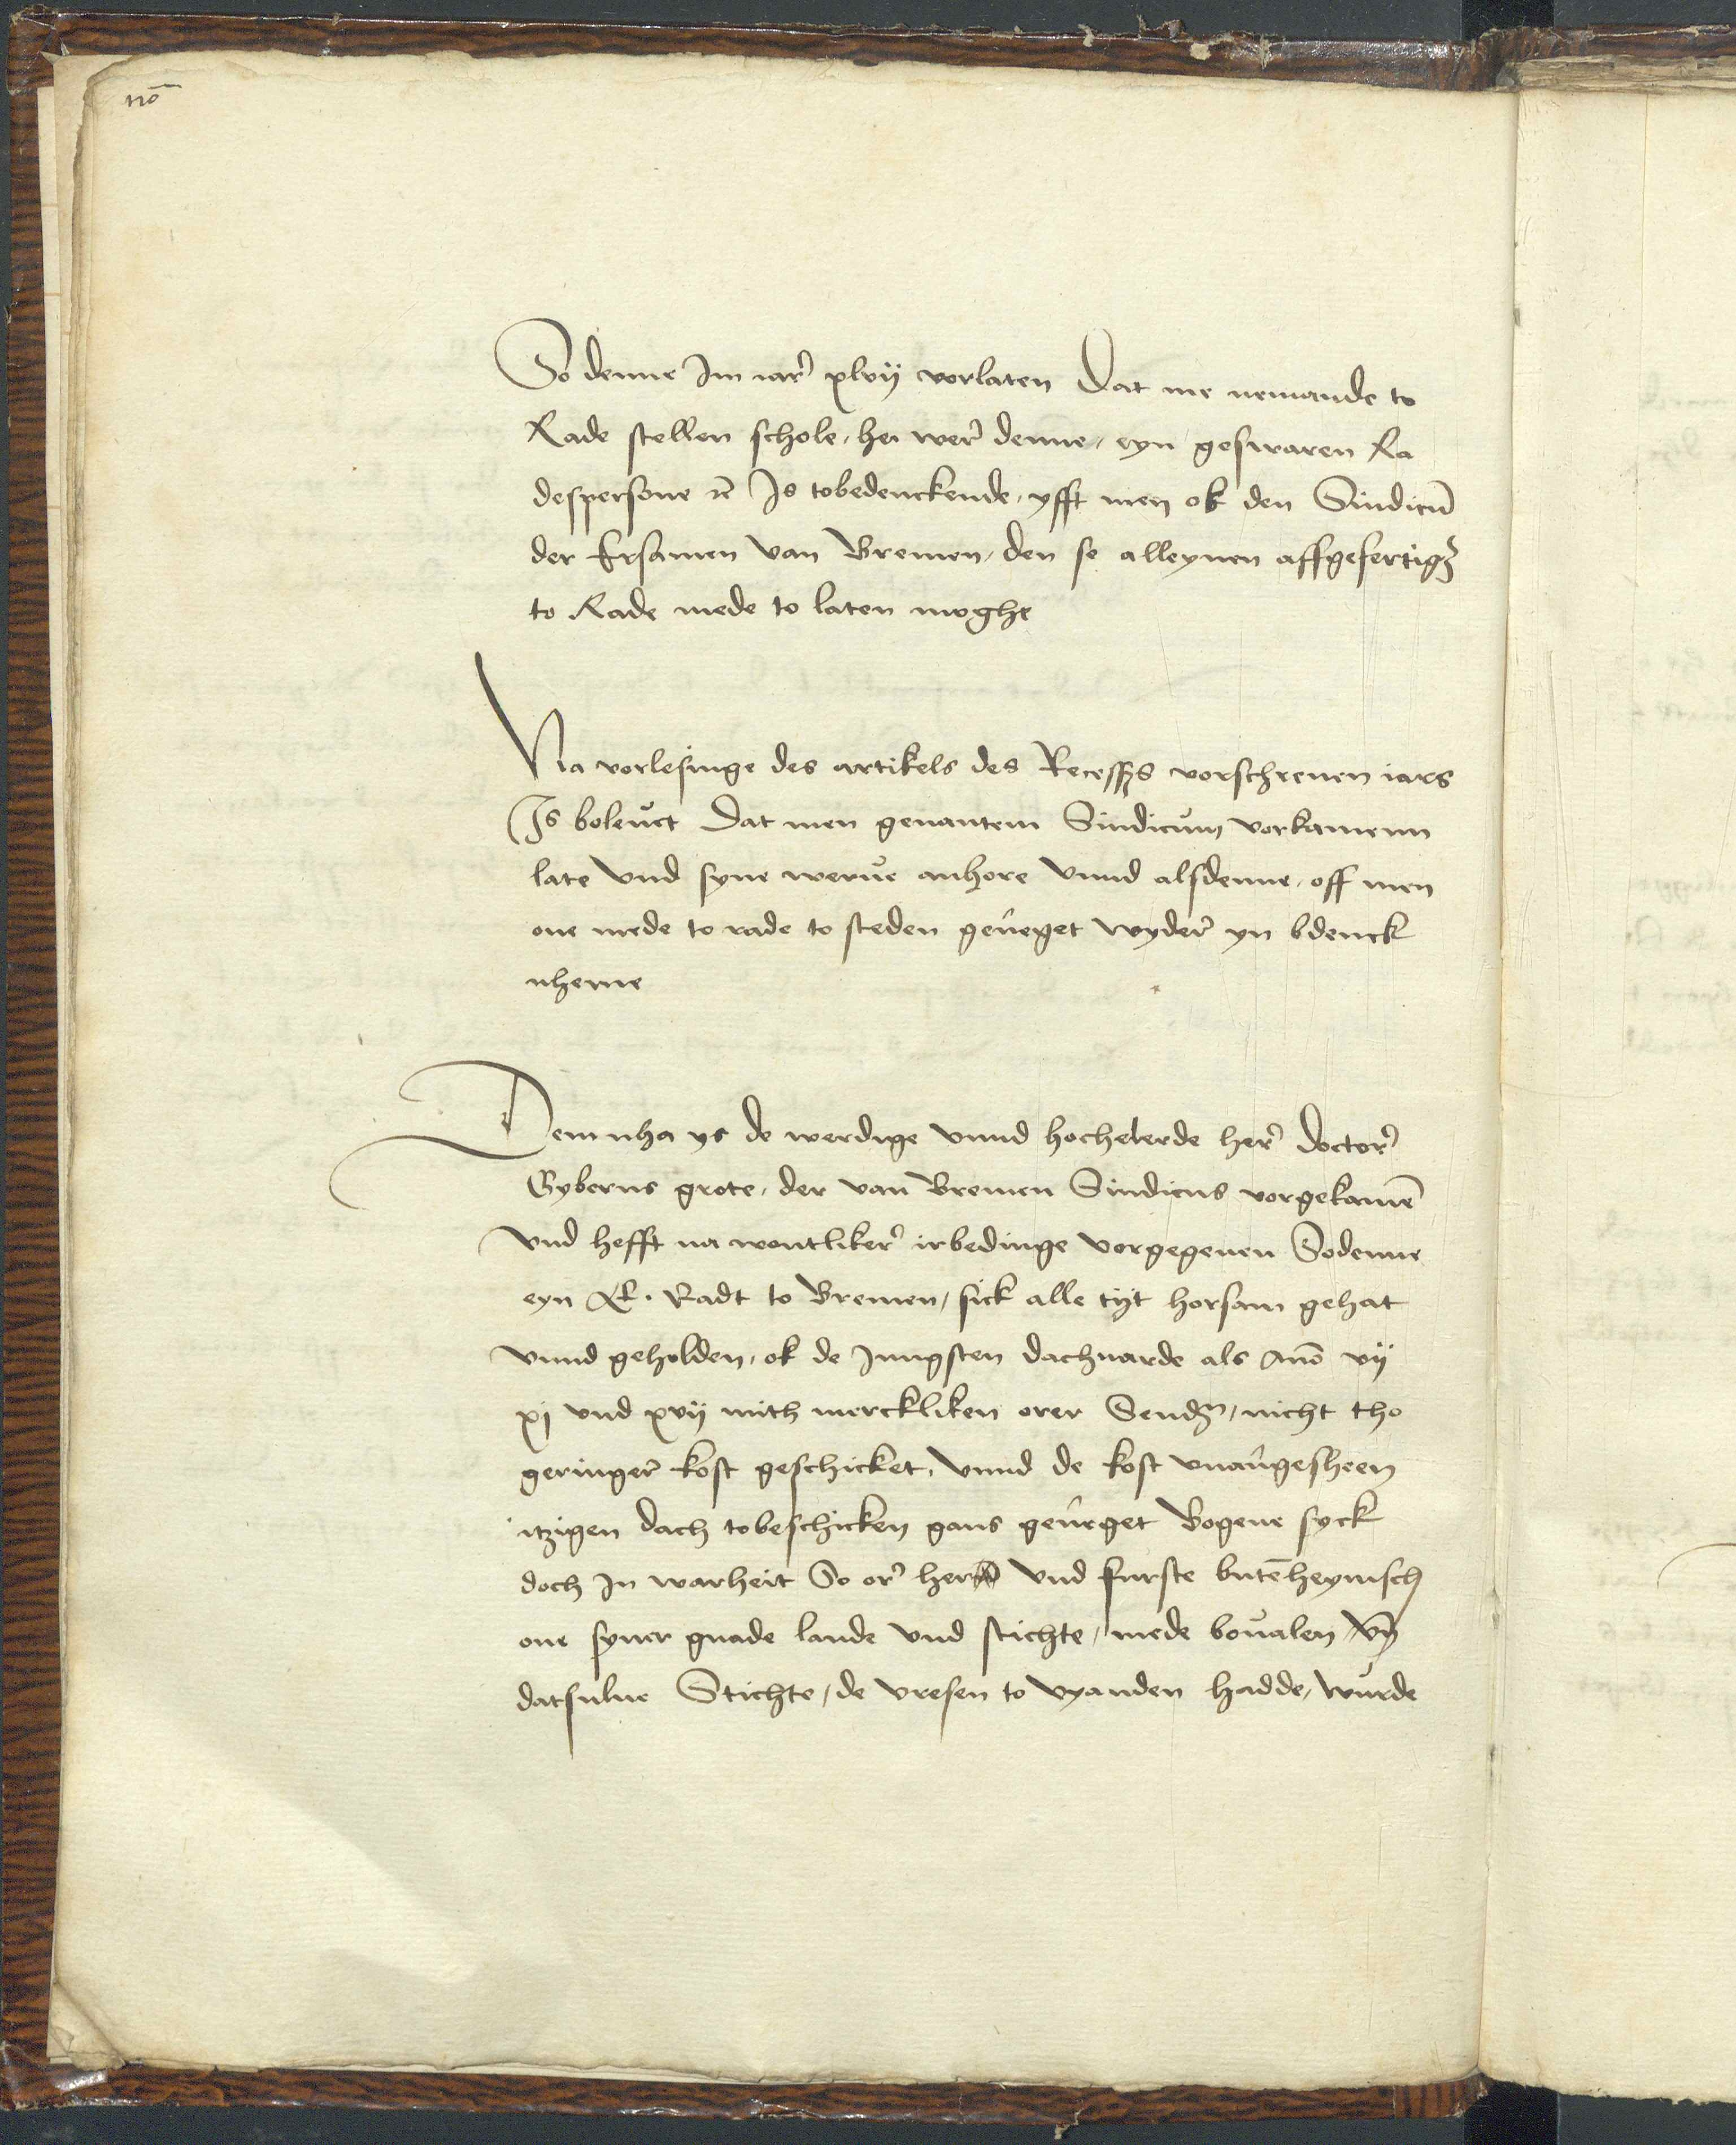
So denne Im iar xlvij vorlaten dat me nemande to
Rade stellen schole, he wer deme, eyn geswaren Ra¬
despersone etc Js to bedenckende, yfft wen ok den Sindicum
der Ersamen von Bremen, den se alleynen affgefertiget
to rade mede to laten moghe
Na vorlesinge des artikels des Recesses vorschreuen iars
Js boleuet dat man genantem Sindicum vorkamenn
late vnd syne werue anhore vnnd alsdenne off men
one mede to rade to steden geneget wyder yn bdenck
nheme
Dem nha ys de werdige vnnd hochelerde her Doctor
Gyberus grote, der van Bremen Sindicus vorgekamen
vnd hefft na wontliker irbedinge vorgegeuen Sodenne
eyn E. Radt to Bremen, sick alle tijt horsam gehat
vnnd geholden, ok de Jungsten dachuarde als Anno vij
xj vnd xvij mith merckliken orer Sendebaden, nicht tho
geringer kost geschicket, vnnd de kost vnangesheen
itzigen dach to beschicken gans geneget Bogeue syck
doch Jn warheit So or herX vnd furste butenheymsch
one syner gnade lande vnd stichte, mede boualen vnd
datsulve Stichte, de vresen to vyanden hadde, wurde
